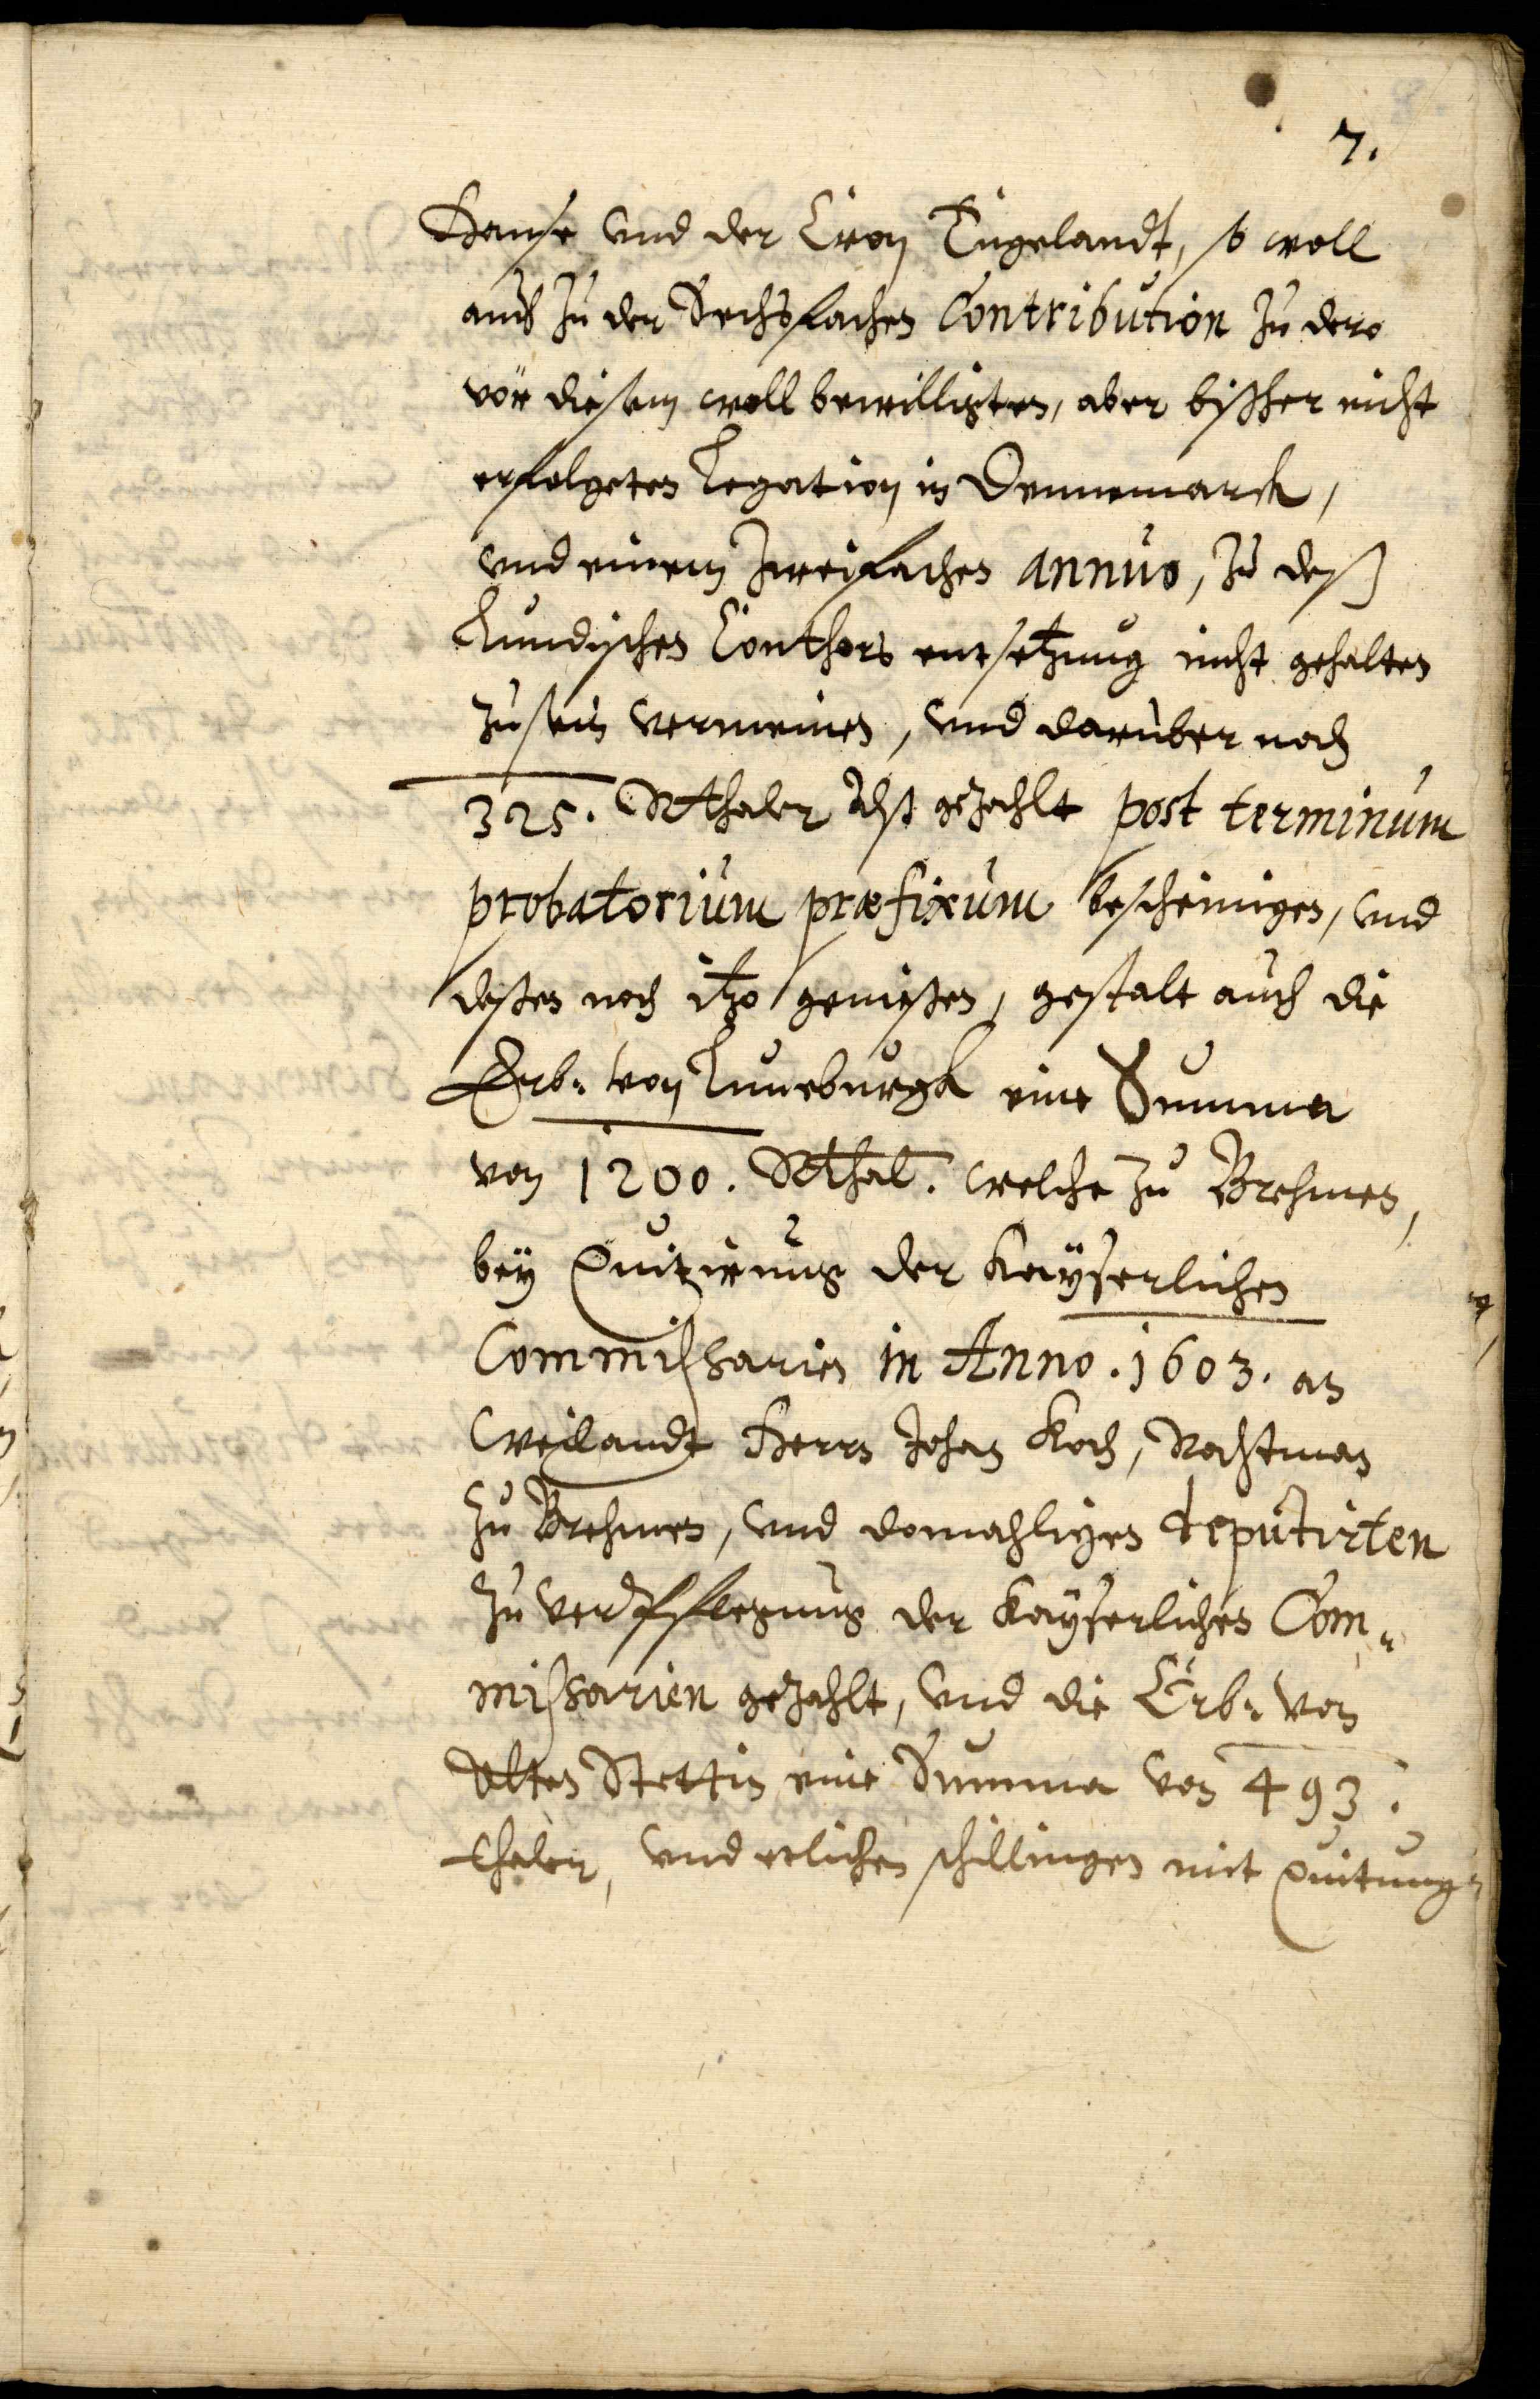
7.
Hanse vnd der Cron Engelandt, so woll
auch zu der Sechsfachen Contribution zu dero
vor diesem woll bewilligten, aber bißher nicht
erfolgeten Legation in Dennemarck,
vnd einem zweifachen annuo, zu deß
Lundischen Conthors entsetzung nicht gehalten
zu sein vermeinen, vnd daruber noch
325. Rthaler Alß gezahlt post terminum
probatorium praefixum bescheinigen, vnd
deßen noch itzo genießen, gestalt auch die
Erb: von Luneburgk eine Summa
von 1200. Rthal. welche zu Brehmen,
beij Quitirung der kaijserlichen
Commissarien in Anno .1603. an
weilandt Herrn Johan Koch, Rahtman
zu Brehmen, vnd domahligen deputirten
zu verpflegung der kaijserlichen Com¬
missarien gezahlt, vnd die Erb: von
Alten Stettin eine Summa von 493.
thaler, vnd etlichen schillingen mit Quitung¬
